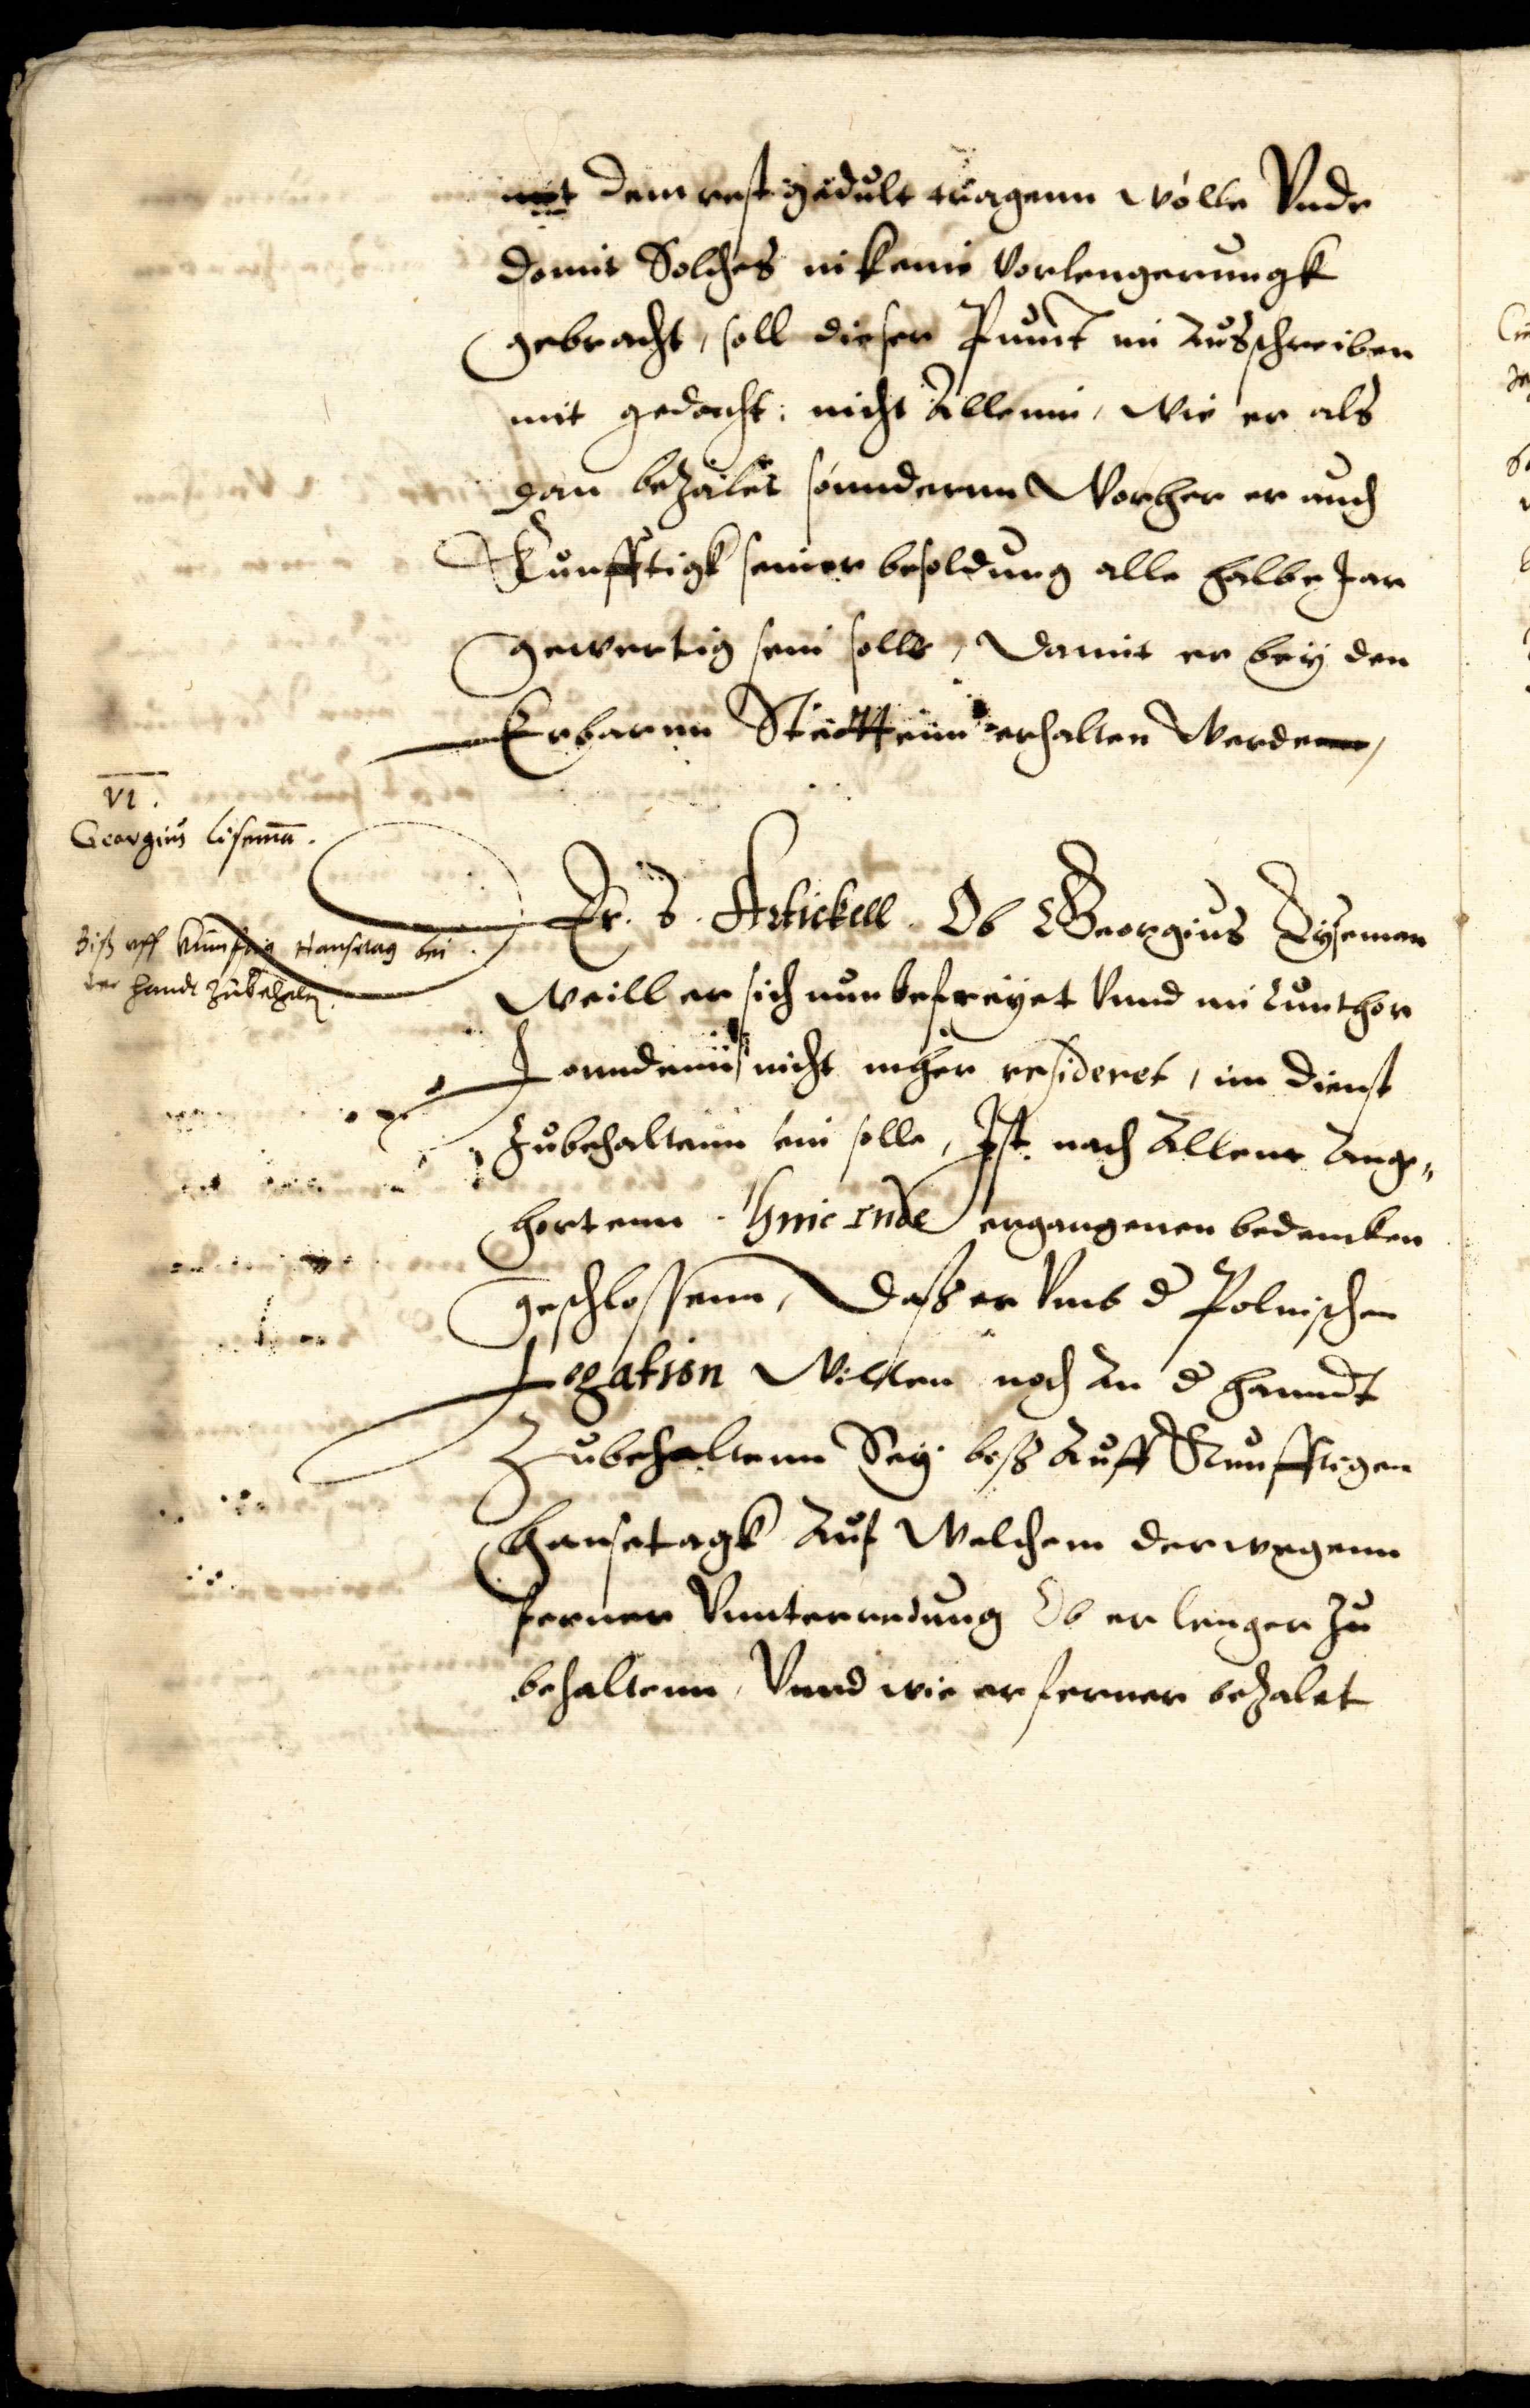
mit dem rest gedult tragenn wolle Vnde
domit Solches in keine vorlengerungk
gebracht, soll dieser Punct im Ausschreiben
mit gedacht: nicht Alleine, wie er als
dan bezalet sonndernn Worher er auch
Kunfftigk seiner besoldung alle halbe Jar
gewertig sein solle, damit er beij den
Erbarnn Stedttenn erhalten Werdenn,
VI.
Georgius Liseman.
Biß vff kumftig Hansetag bei
der hand zubehalten
DEr 6. Artickell. Ob Georgius Lijseman
weill er sich nun befreijet vnnd im Cunthor
Lonndenn nicht mher resideret, im dienst
zubehaltenn sein solle, Jst nach allem Ange¬
hortenn. Hinc inde ergangenen bedencken
geschlossenn, Daß er Vmb der Polnischen
Legation Willen noch An der Hanndt
Zubehaltenn Seij biß Auff Kunfftigen
Hansetagk Auf Welchem derwegenn
ferner Vnnterredung Ob er lenger zu
behaltenn, Vnnd wie er ferner bezalet
